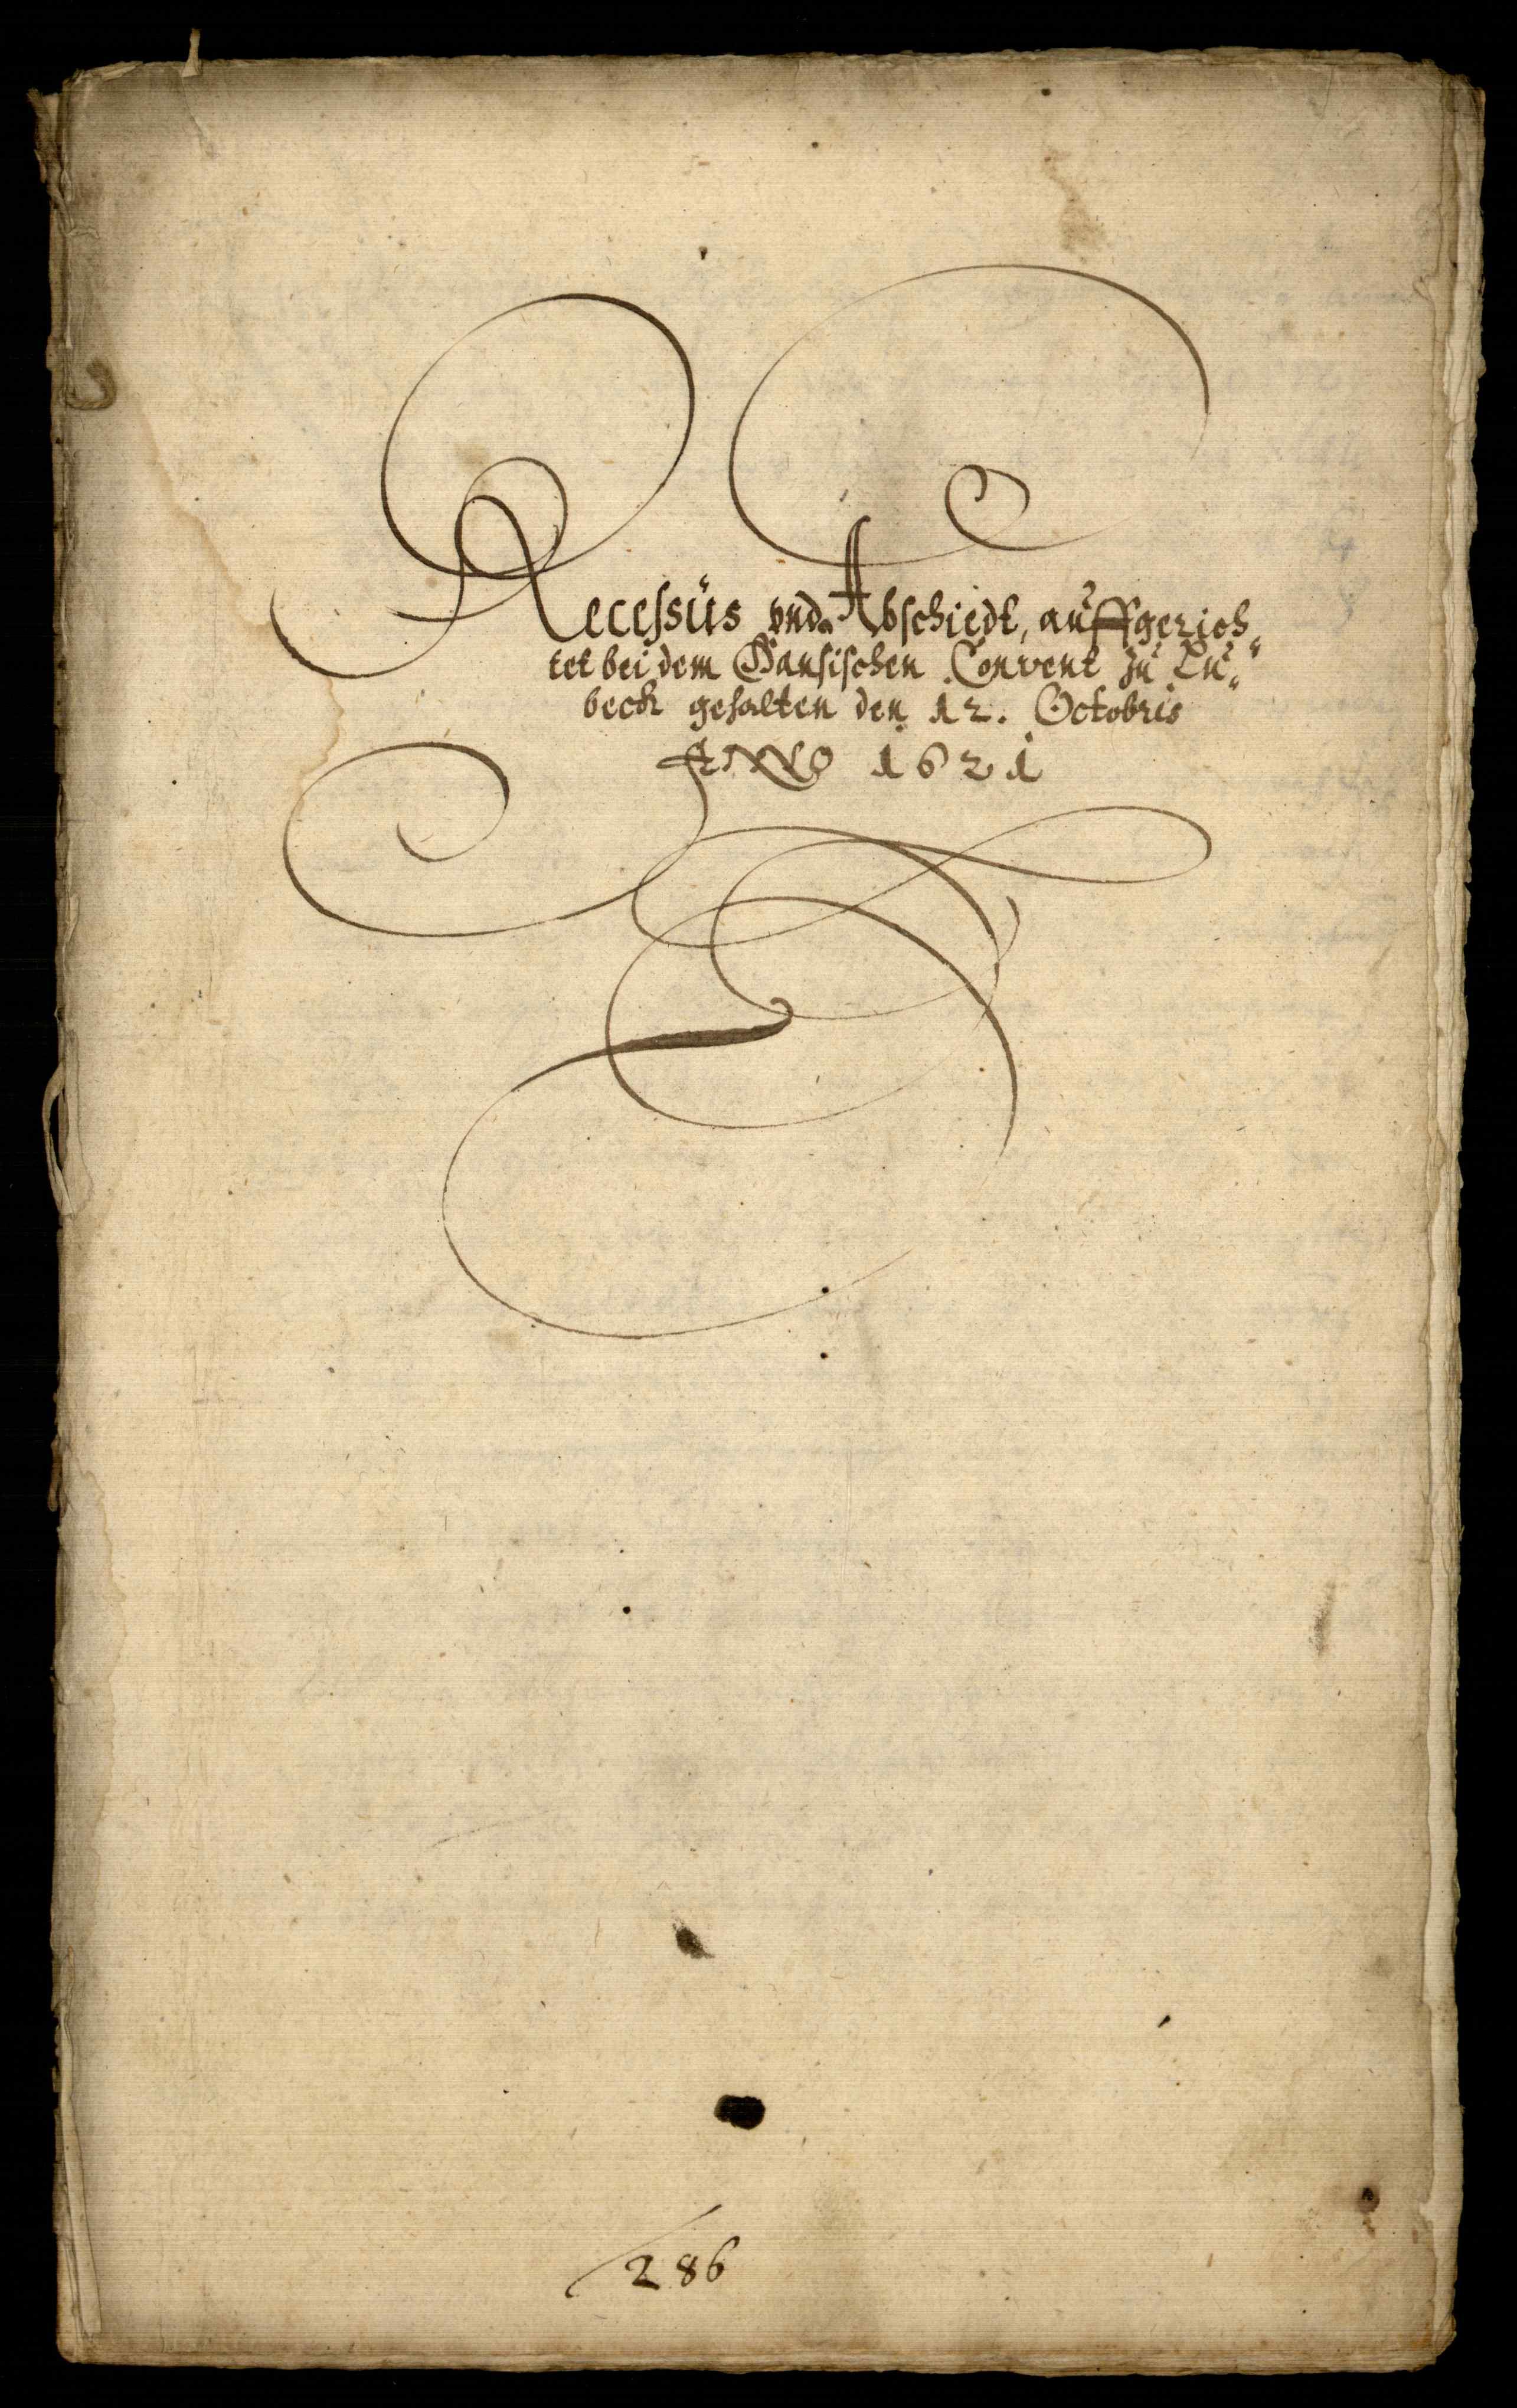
Recessus und Abschiedt, auffgerich¬
tet bei dem Hansischen Convent zu Lu¬
beck gehalten den 12. Octobris
ANNO 1621
